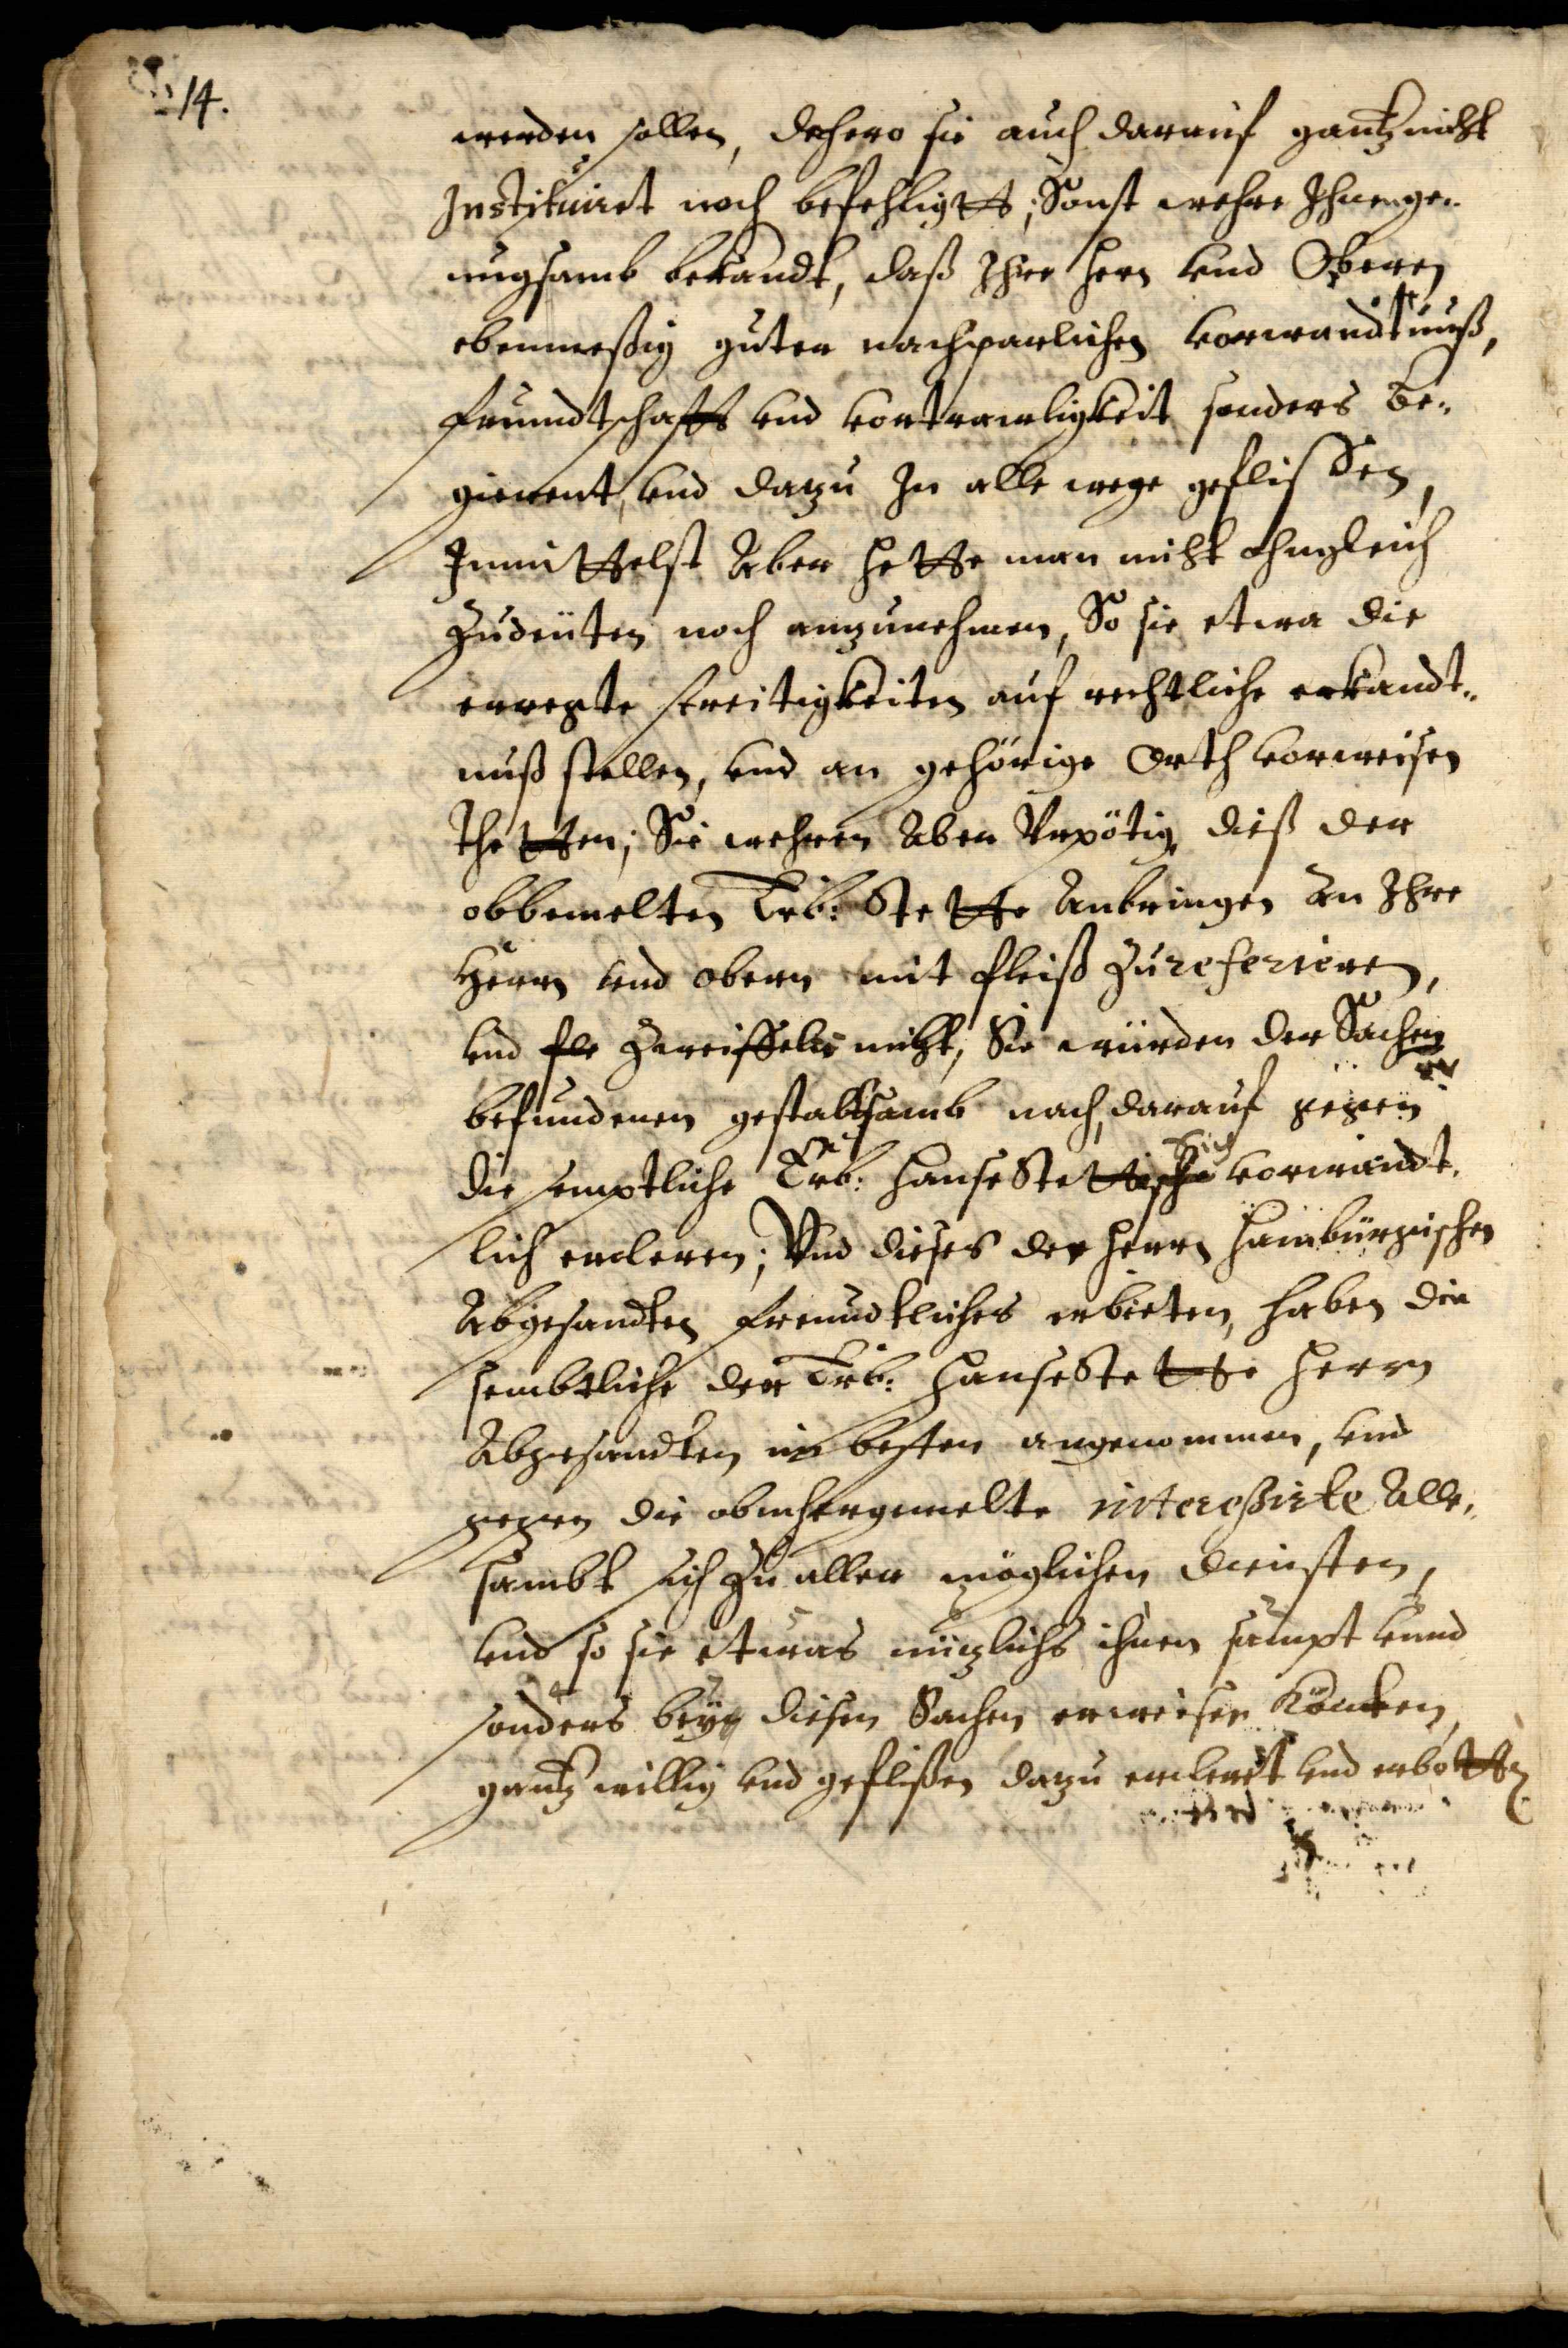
14
werden sollen, dahero sie auch darauf gantz nicht
instituiret noch befehligtt; Sonst wehre ihnen ge¬
nugsamb bekandt, daß ihre hern vnd Oberen
ebenmeßig guter nachparlichen vorwandtnuß,
freundtschafft vnd vortrawligkeit sonders be¬
gierent, vnd datzu in alle wege geflißen,
inmittelst aber hette man nicht ohngleich
zudeüten noch anzunehmen, So sie etwa die
erregte streitigkeiten auf rechtliche erkandt¬
nuß stellen, vnd an gehörige Orth vorweisen
thetten; Sie wehren aber vrpötig, dieß der
obbemelten Erb: Stette anbringen an ihre
Herrn vnd Obern mit fleiß zu referieren,
vnd zweiffeln nicht, Sie würden der Sachen
befundenen gestaltsamb nach, darauf gegen
die semptliche Erb: hanse Stette sich vorwandt¬
lich ercleren; Vnd dieses der herrn hambürgischen
abgesandten freundtliches erbieten, haben die
sembtliche der Erb: Hansestette herrn
abgesandten im besten angenommen, vnd
gegen die obmhergemelte intereßirte alle¬
sambt sich zu aller möglichen diensten,
vnd so sie etwas nützlichs ihnen sampt vnnd
sonders beij diesen Sachen erwiesen könten,
gantz willig vnd geflißen dazu ercleret vnd erbotten
